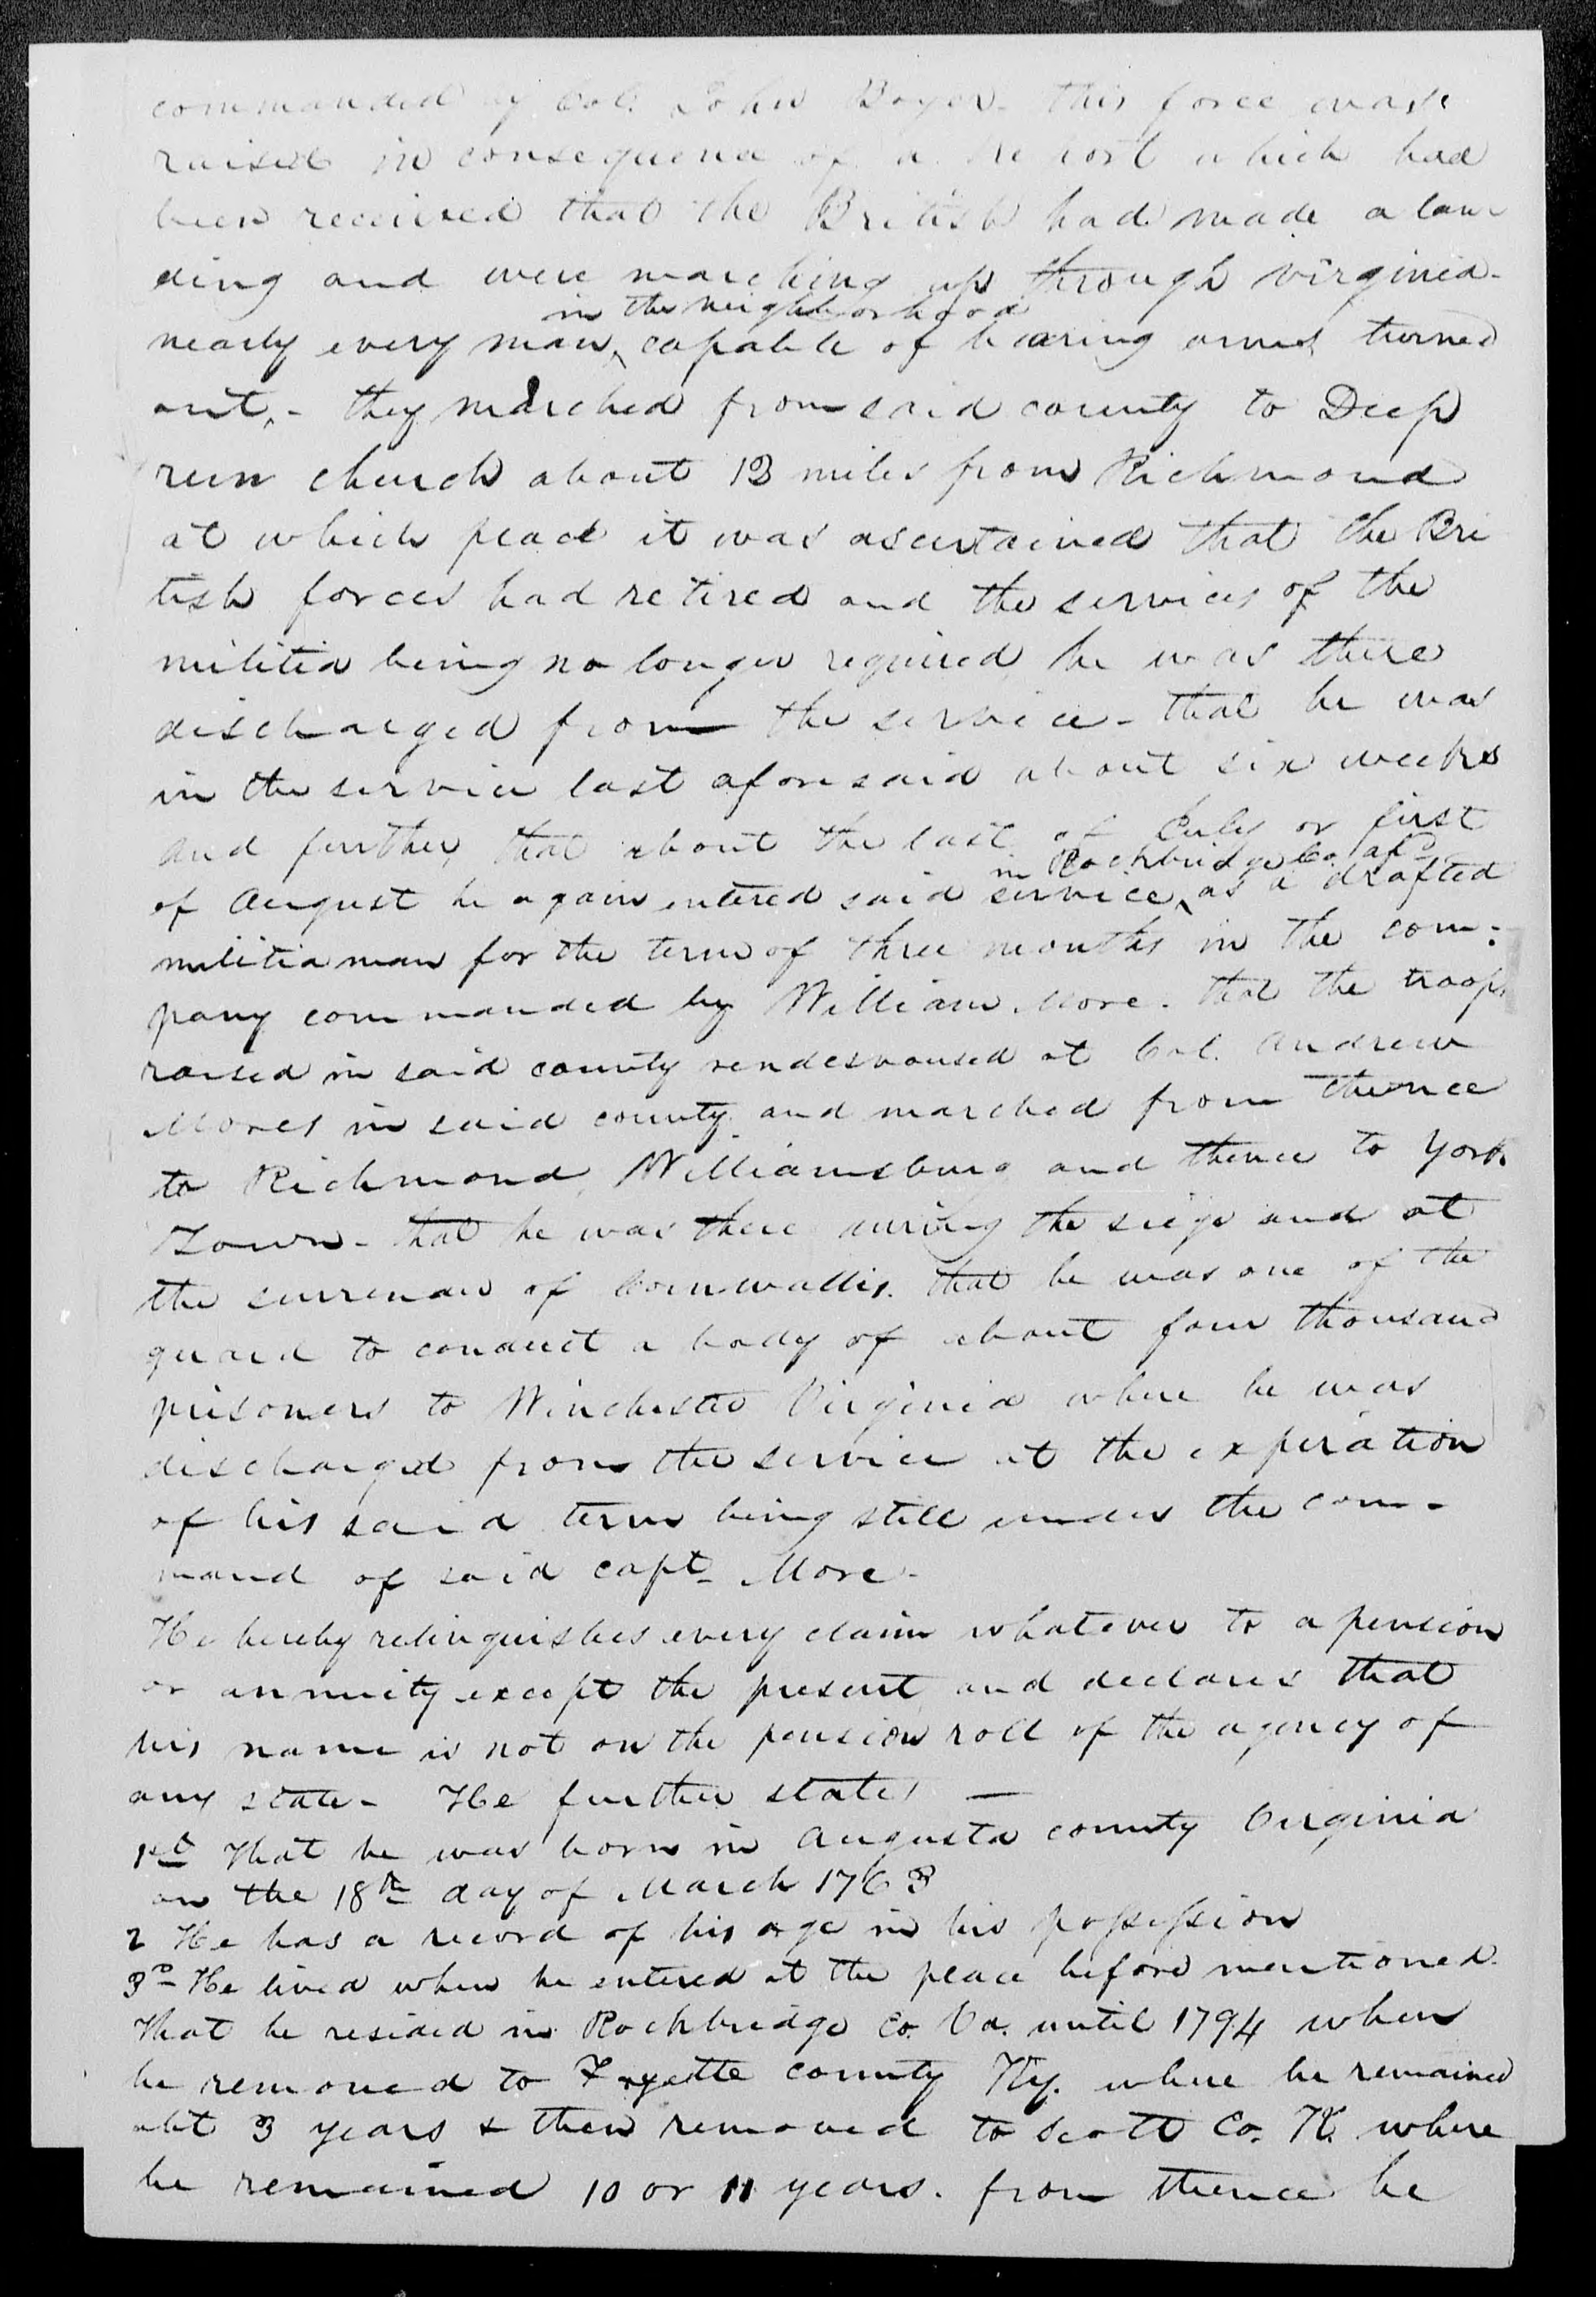commanded by Col. John Boyer [John Bowyer]. this force was raised in consequence of a report which had been received that the British had made a landing and were marching up through virginia [Virginia]. nearly every man in the neighborhood capable of bearing arms turned out. - they marched from said county to Deep run church about 12 miles from Richmond at which place it was ascertained that the British forces had retired and the services of the militia being no longer required he was there discharged from the service – that he was in the service last aforesaid about six weeks and further, that about the last of July or first of August he again entered said service in Rockbridge af’d [aforesaid] as a drafted militia man for the term of three months in the company commanded by William More [William Moore]. that the troops raised in said county rendesvoused [rendezvoused] at Col. Andrew Mores [Andrew Moore’s] in said county and marched from thence to Richmond, Williamsburg, and thence to York Town - that he was there during the siege and at the surrender of Cornwallis [19 Oct 1781]. that he was one of the guard[d] to conduct a body of about four thousand prisoners to Winchester Virginia where he was discharged from the service at the expiration of his said term being still under the command of said capt. More [Captain Moore].
He hereby relinquishes every claim whatever to a pension or annuity except the present, and declares that his name is not on the pension roll of the agency of any state. He further states –
1st. That he was born in Augusta county Virginia on the 18th day of March 1768 
2 He has a record of his age in his possession 
3d He lived when he entered at the place before mentioned. That he resided in Rockbridge Co. Va. until 1794 when he removed to Fayette county Ky. where he remained about 3 years & then removed to Scott Co. K. where he remained 10 or 11 years. from thence he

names: More, Cornwallis, John Boyer, Andrew Mores, William More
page: 5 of 21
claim: survivor's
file: S. 2,371, William Berry, Va.